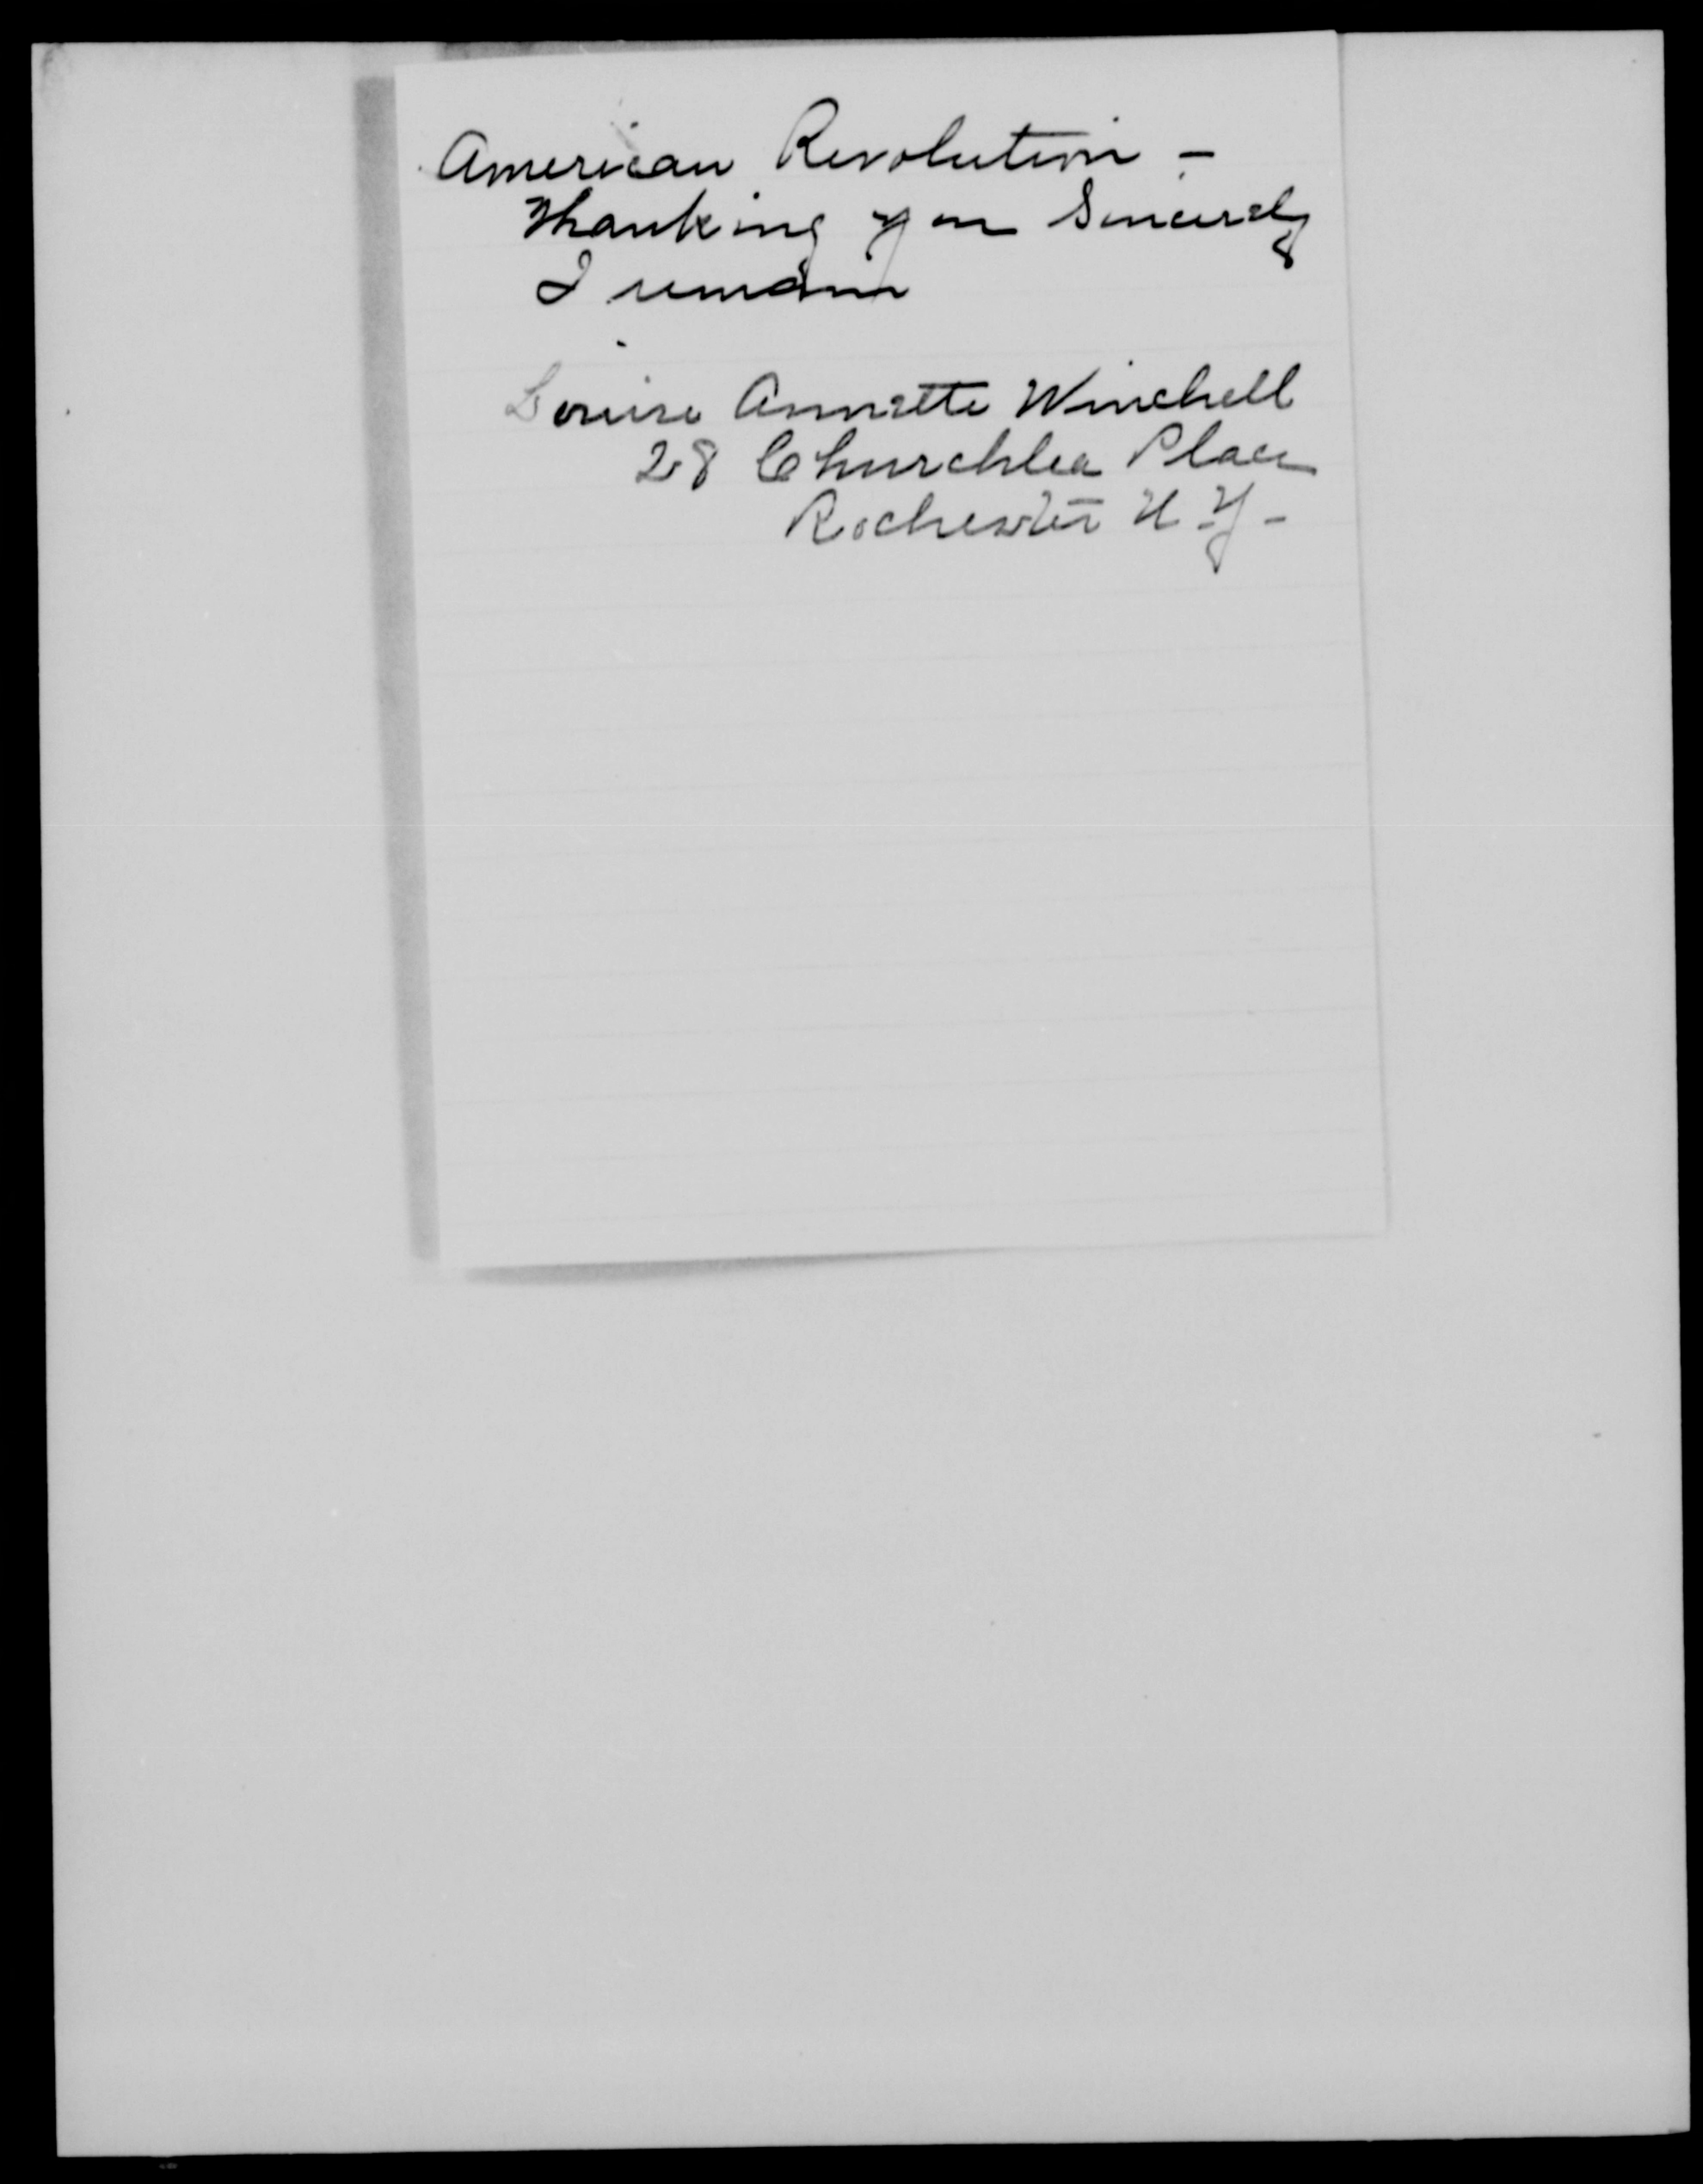American Revolution-
Thanking you Sincerly
I remain

Louise Annette Winchell
28 Churchlia Place
Rochester N. Y.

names: Louise Annette Winchell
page: 41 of 70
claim: rejected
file: R. 10,026, for Ephraim Squier, Connecticut